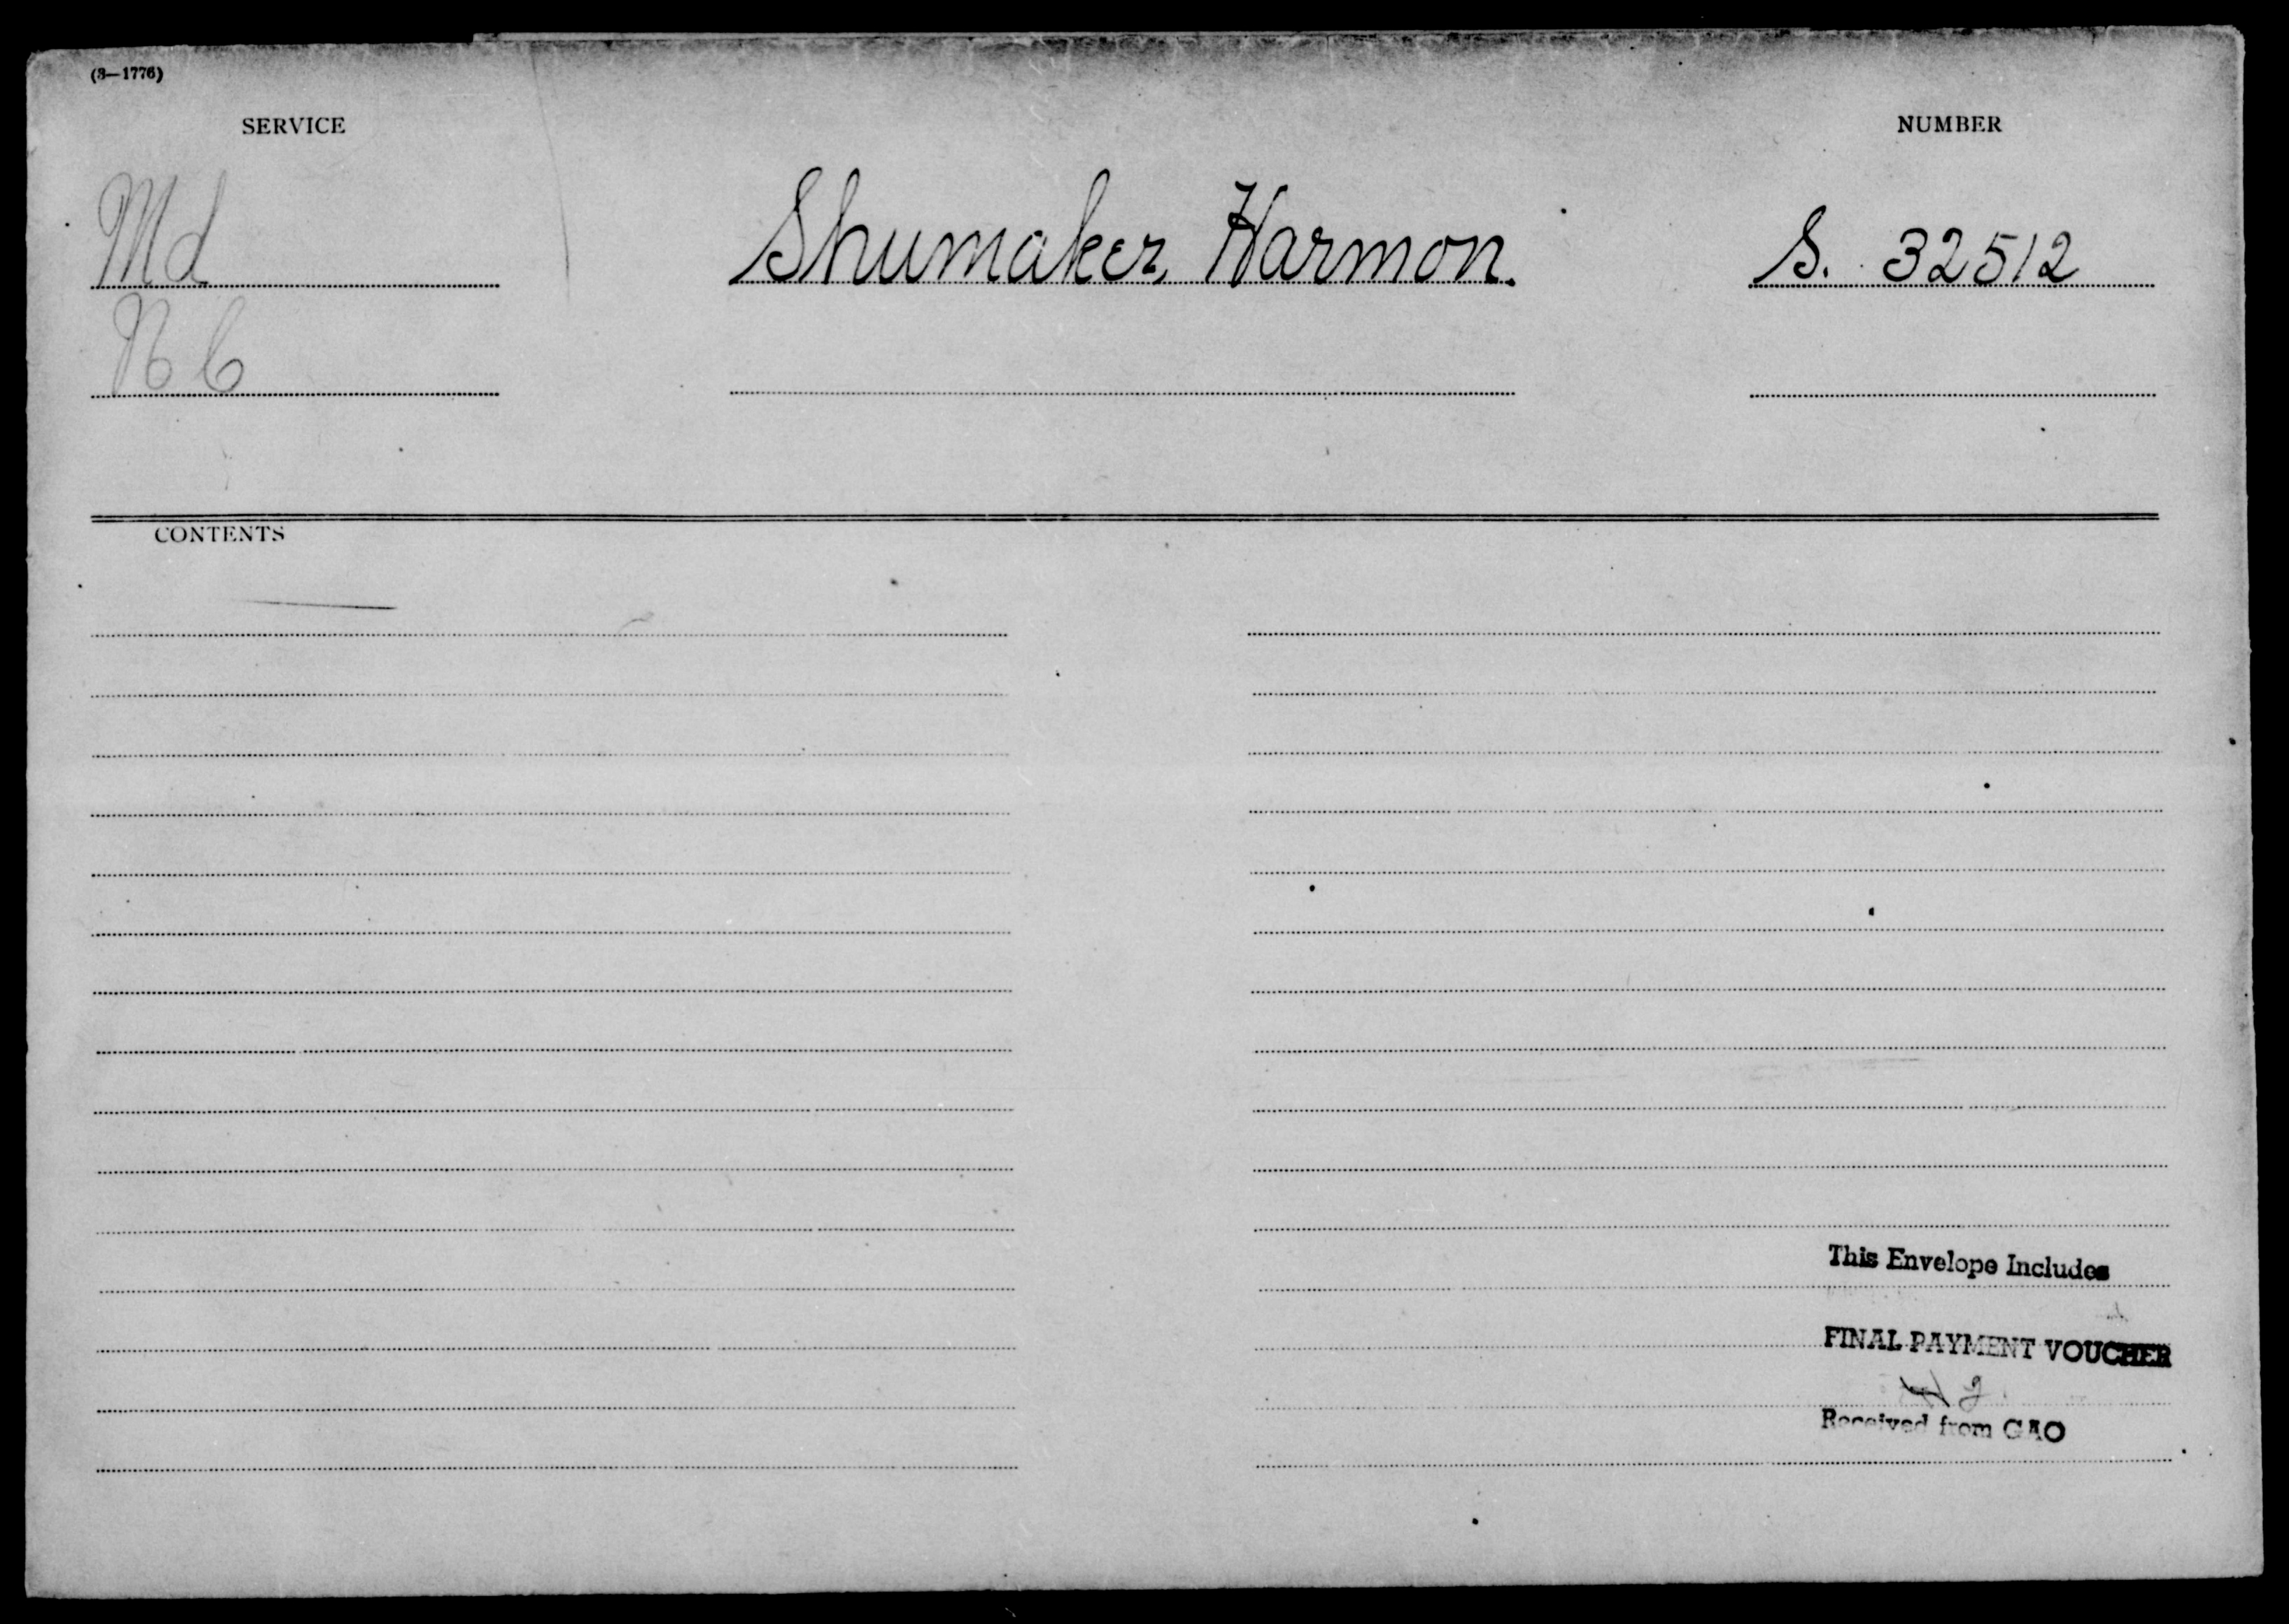(3---1776)
SERVICE
Md
NC
Shumaker, Harmon
NUMBER
S. 32512
CONTENTS
This Envelope Includes
FINAL PAYMENT VOUCHER
[illegible]
Received from GAO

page: 1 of 20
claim: survivor's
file: S. 32512, for Harmon Shumaker, Maryland